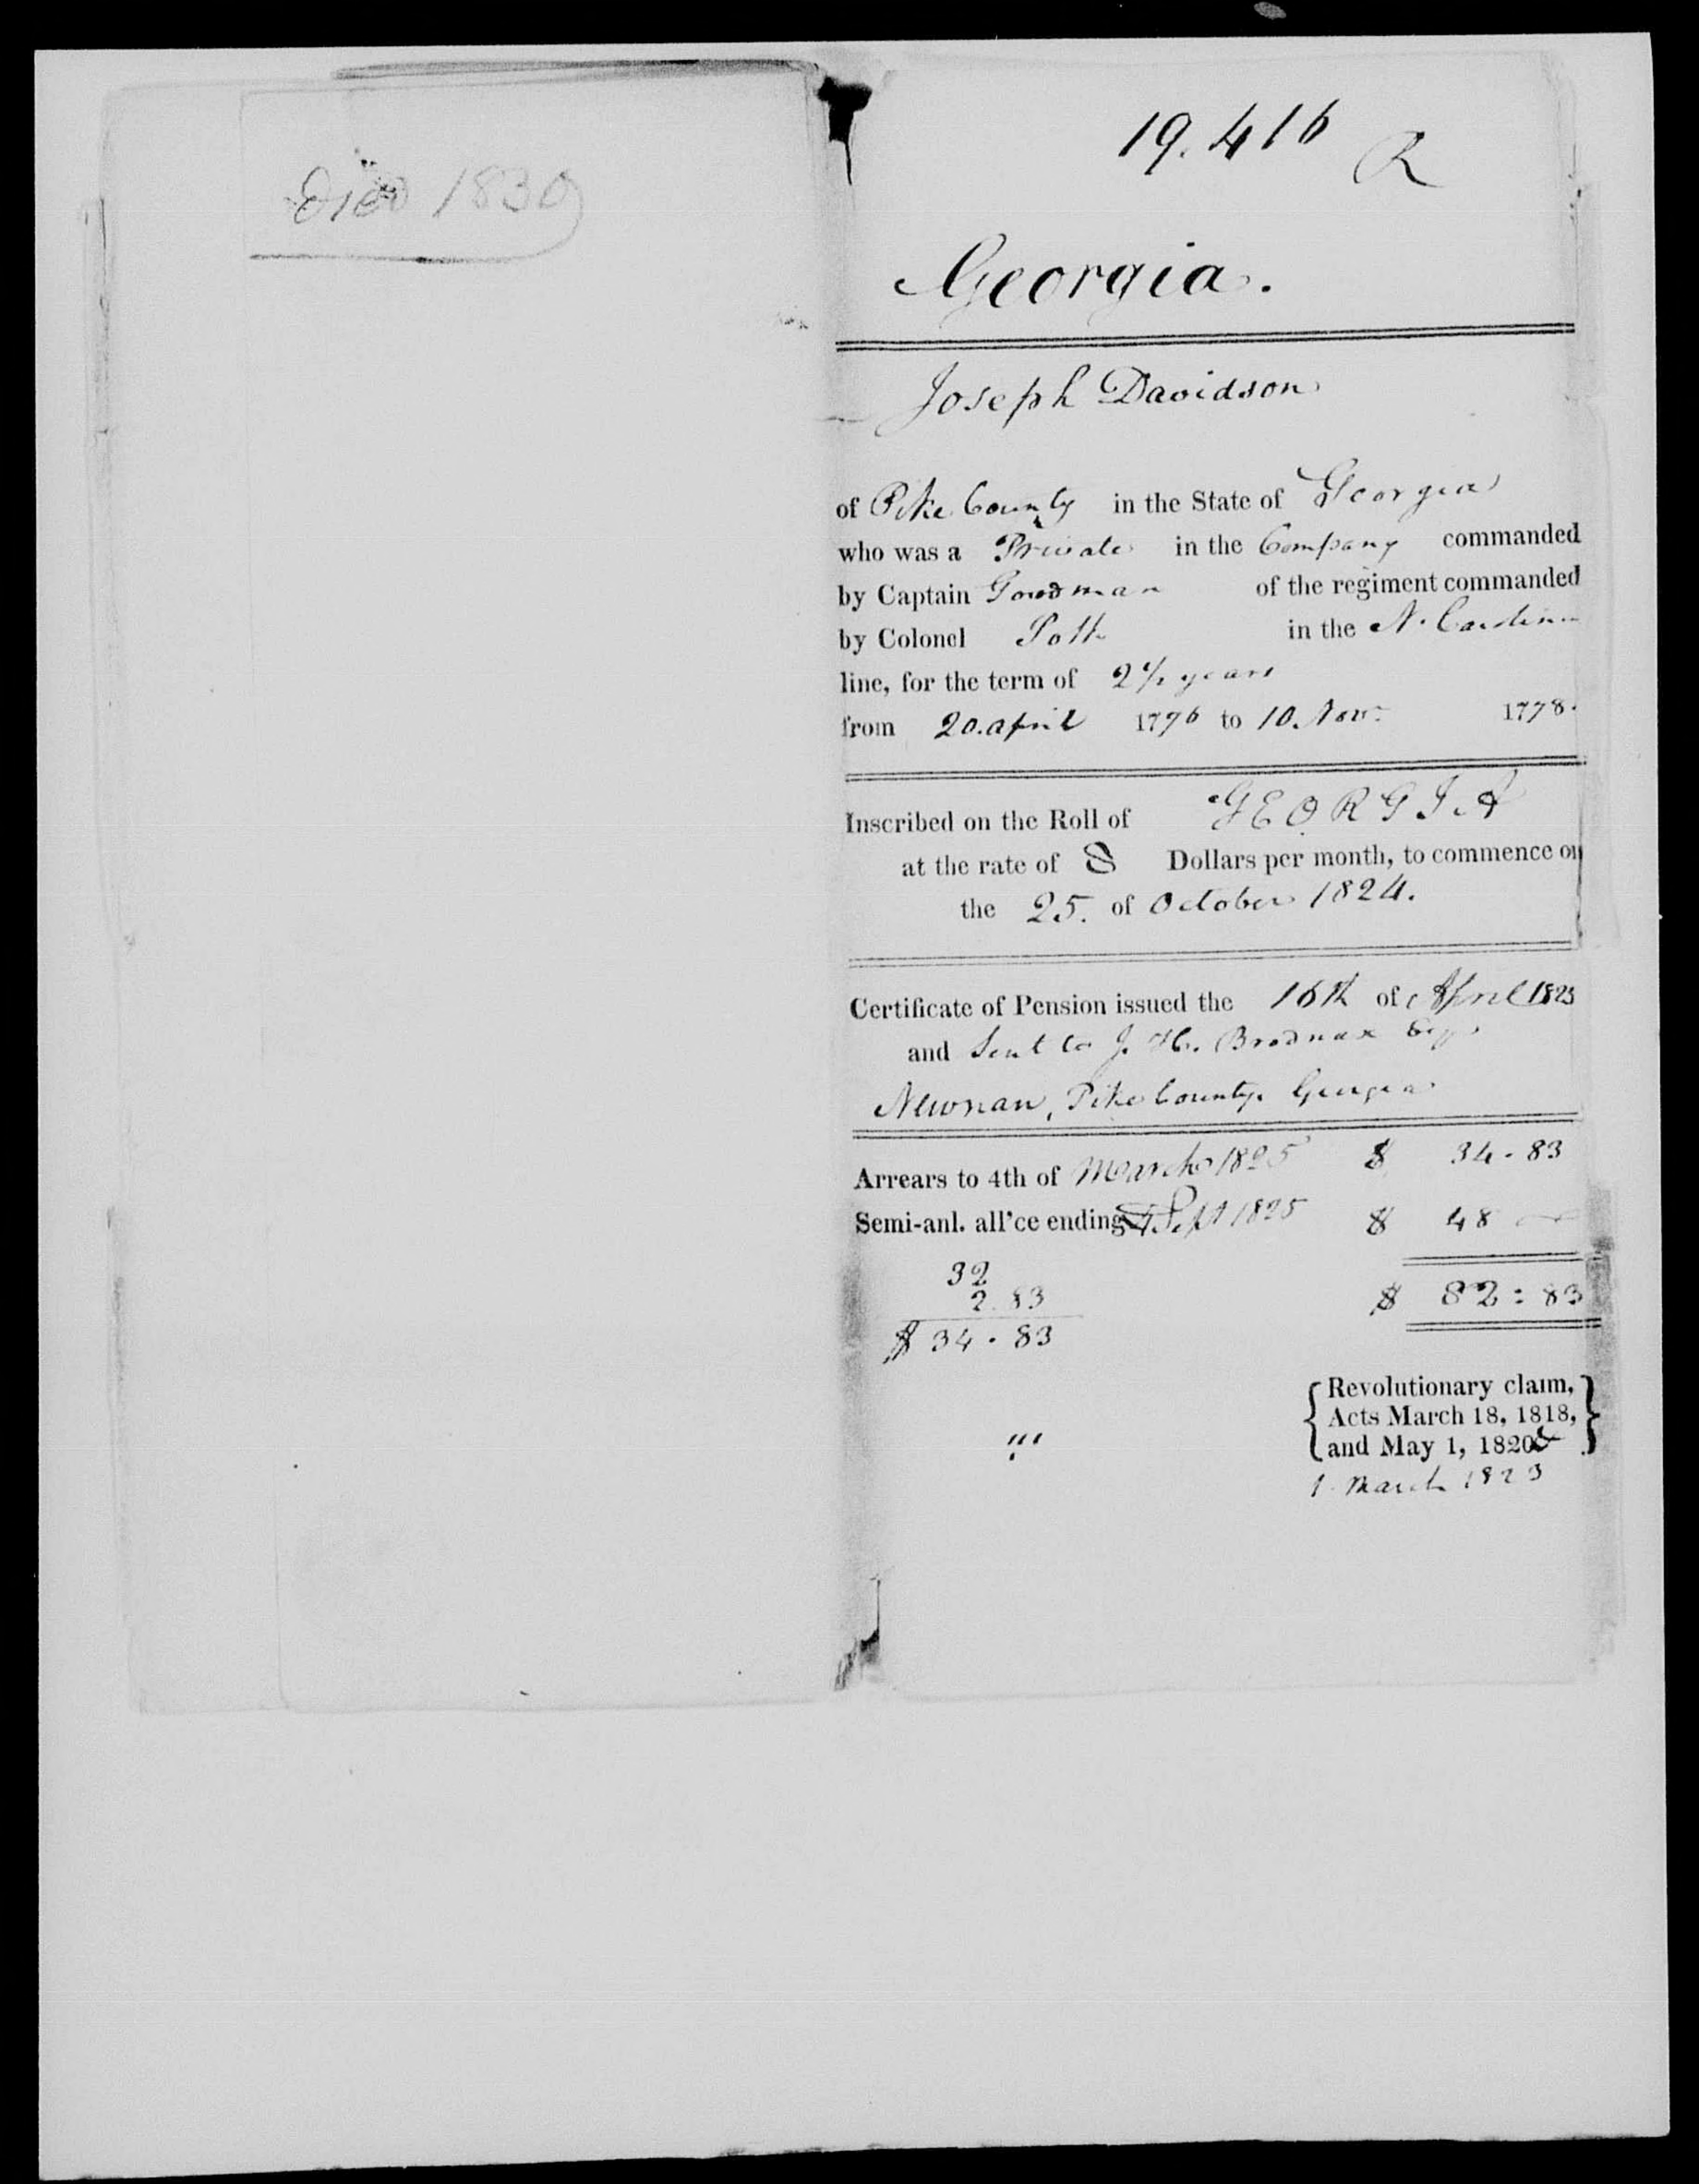[illegible] 1830
19.416 R
Georgia.
Joseph Davidson of Pike County in the state of Georgia who was a Private in the Company commanded by Captain Goodman of the regiment commanded by Colonel Polk in the North Carolina line, for the term of 2 1/2 years
from 20. April 1776 to 10. November1778.

Inscribed on the Roll of GEORGIA
at the rate of 8 Dollars per month, to commence on the 25. of October 1824.

Certificate of Pension issued the 16th of April 1825 and Sent to J. H. Brodnax Esquire
Newnan, Pike County, Georgia.

Arrears to 4th of March 1825 $34.83
Semi-annual. allowance ending 4 September 1825 $48
[Total =] $82.83

32
[plus] 2.83
[equals] $34.83

{Revolutionary claim, Acts March 18, 1818,
and May 1, 1820 and 1 March 1823}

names: Goudman, Toth, Joseph Davidson, J H Brodnax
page: 2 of 63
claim: widow's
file: W. 4175, Joseph Davidson, N.C.